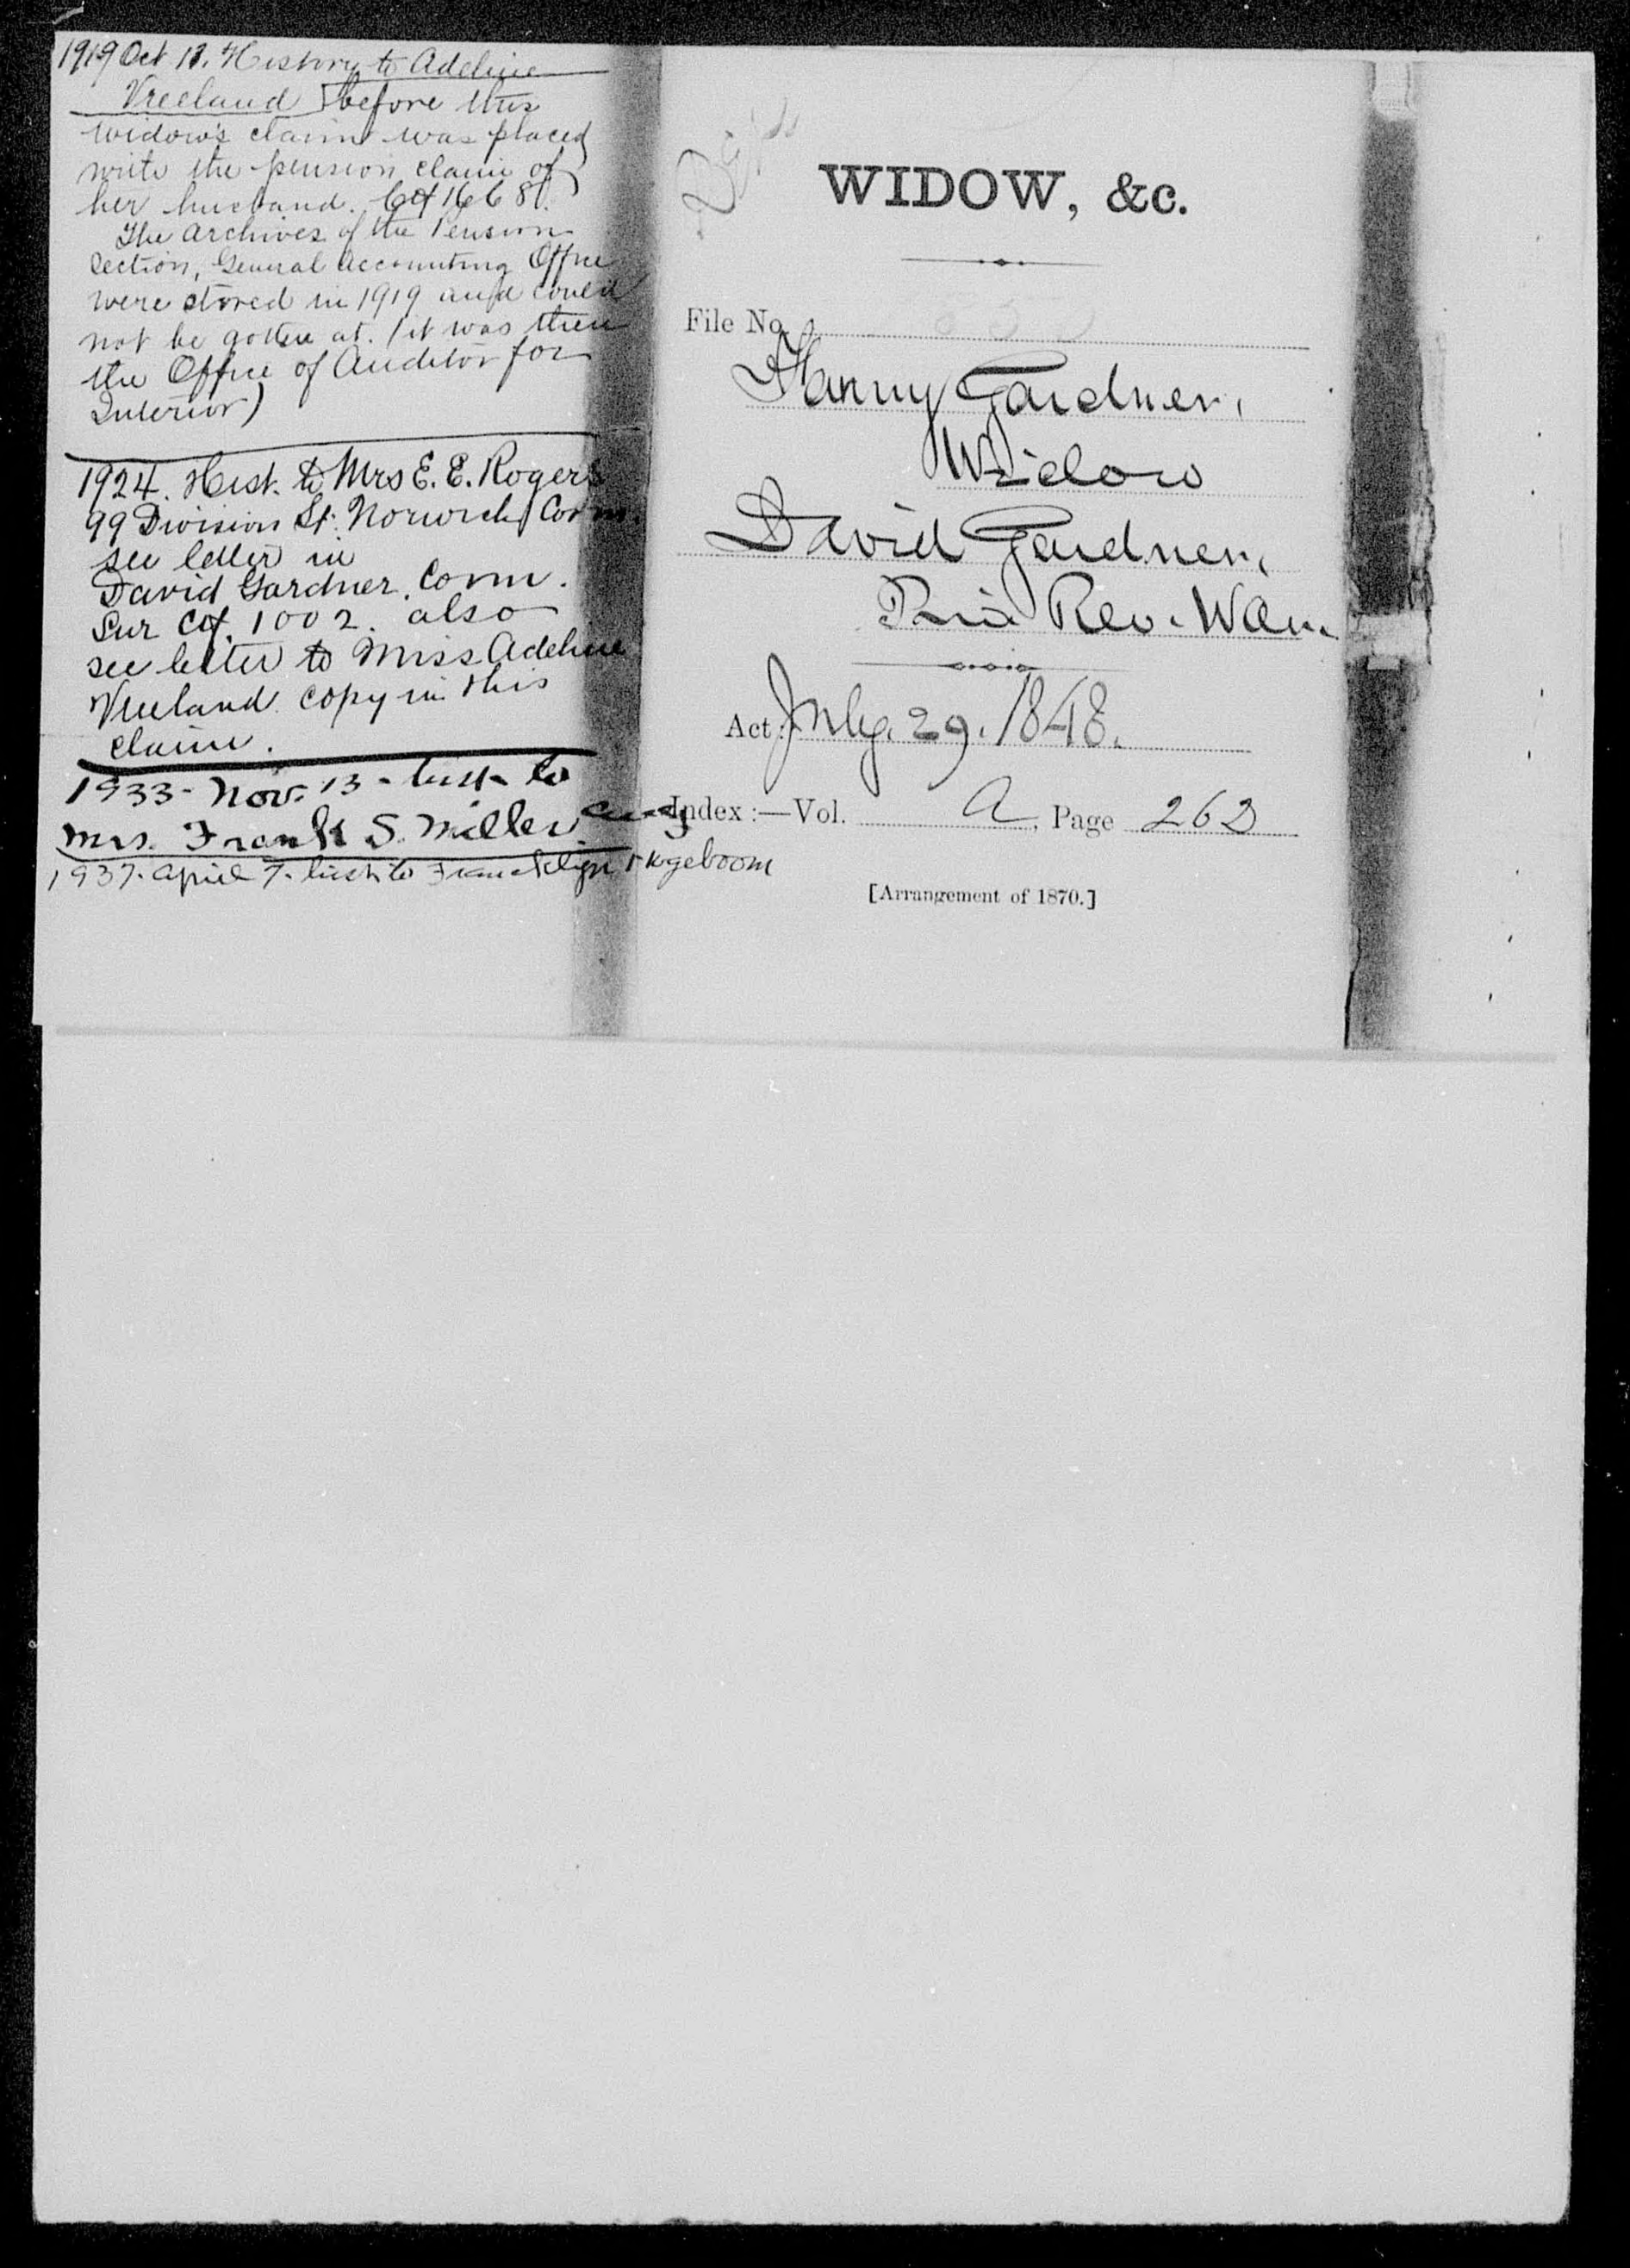1919 Oct 13. History to Adeline
Vreeland 
---
before this
widow's claim was placed
with the pension claim of
her husband. Oct 1668.
The Archives of the Pension
lection, General accounting office
were stored in 1919 and could
not be gotten at. (it was then
the Office of Auditor for
Interior)
_________
1924 Hist. to Mrs E. E. Rogers
99 Division St. Norwich Conn
see letter in
David Gardner, Conn.
Sur ct 1002 also
see letter to Miss Adeline
Vreeland copy in this
claim
__________
1933. Nov. 13. Hist to
Mrs. Frank S. Miller - awf
___________
1937. April 7. Hist to Franklyn (illegible)

WIDOW, &c.
File No. 850
Fanny Gardner,
Widow
David Gardner
Pri Rev War
---
Act: July 29, 1848
Index:-- Vol. A    Page 260
(Arrangement of 1870.]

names: Francklyn Hogeboom, Adeline Vreeland, Frank S Miller, David Gardner, David Gardner, Adeline Vreeland, E E Rogers, Fanny Gardner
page: 49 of 66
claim: widow's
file: W 1850, David Gardner, Conn.